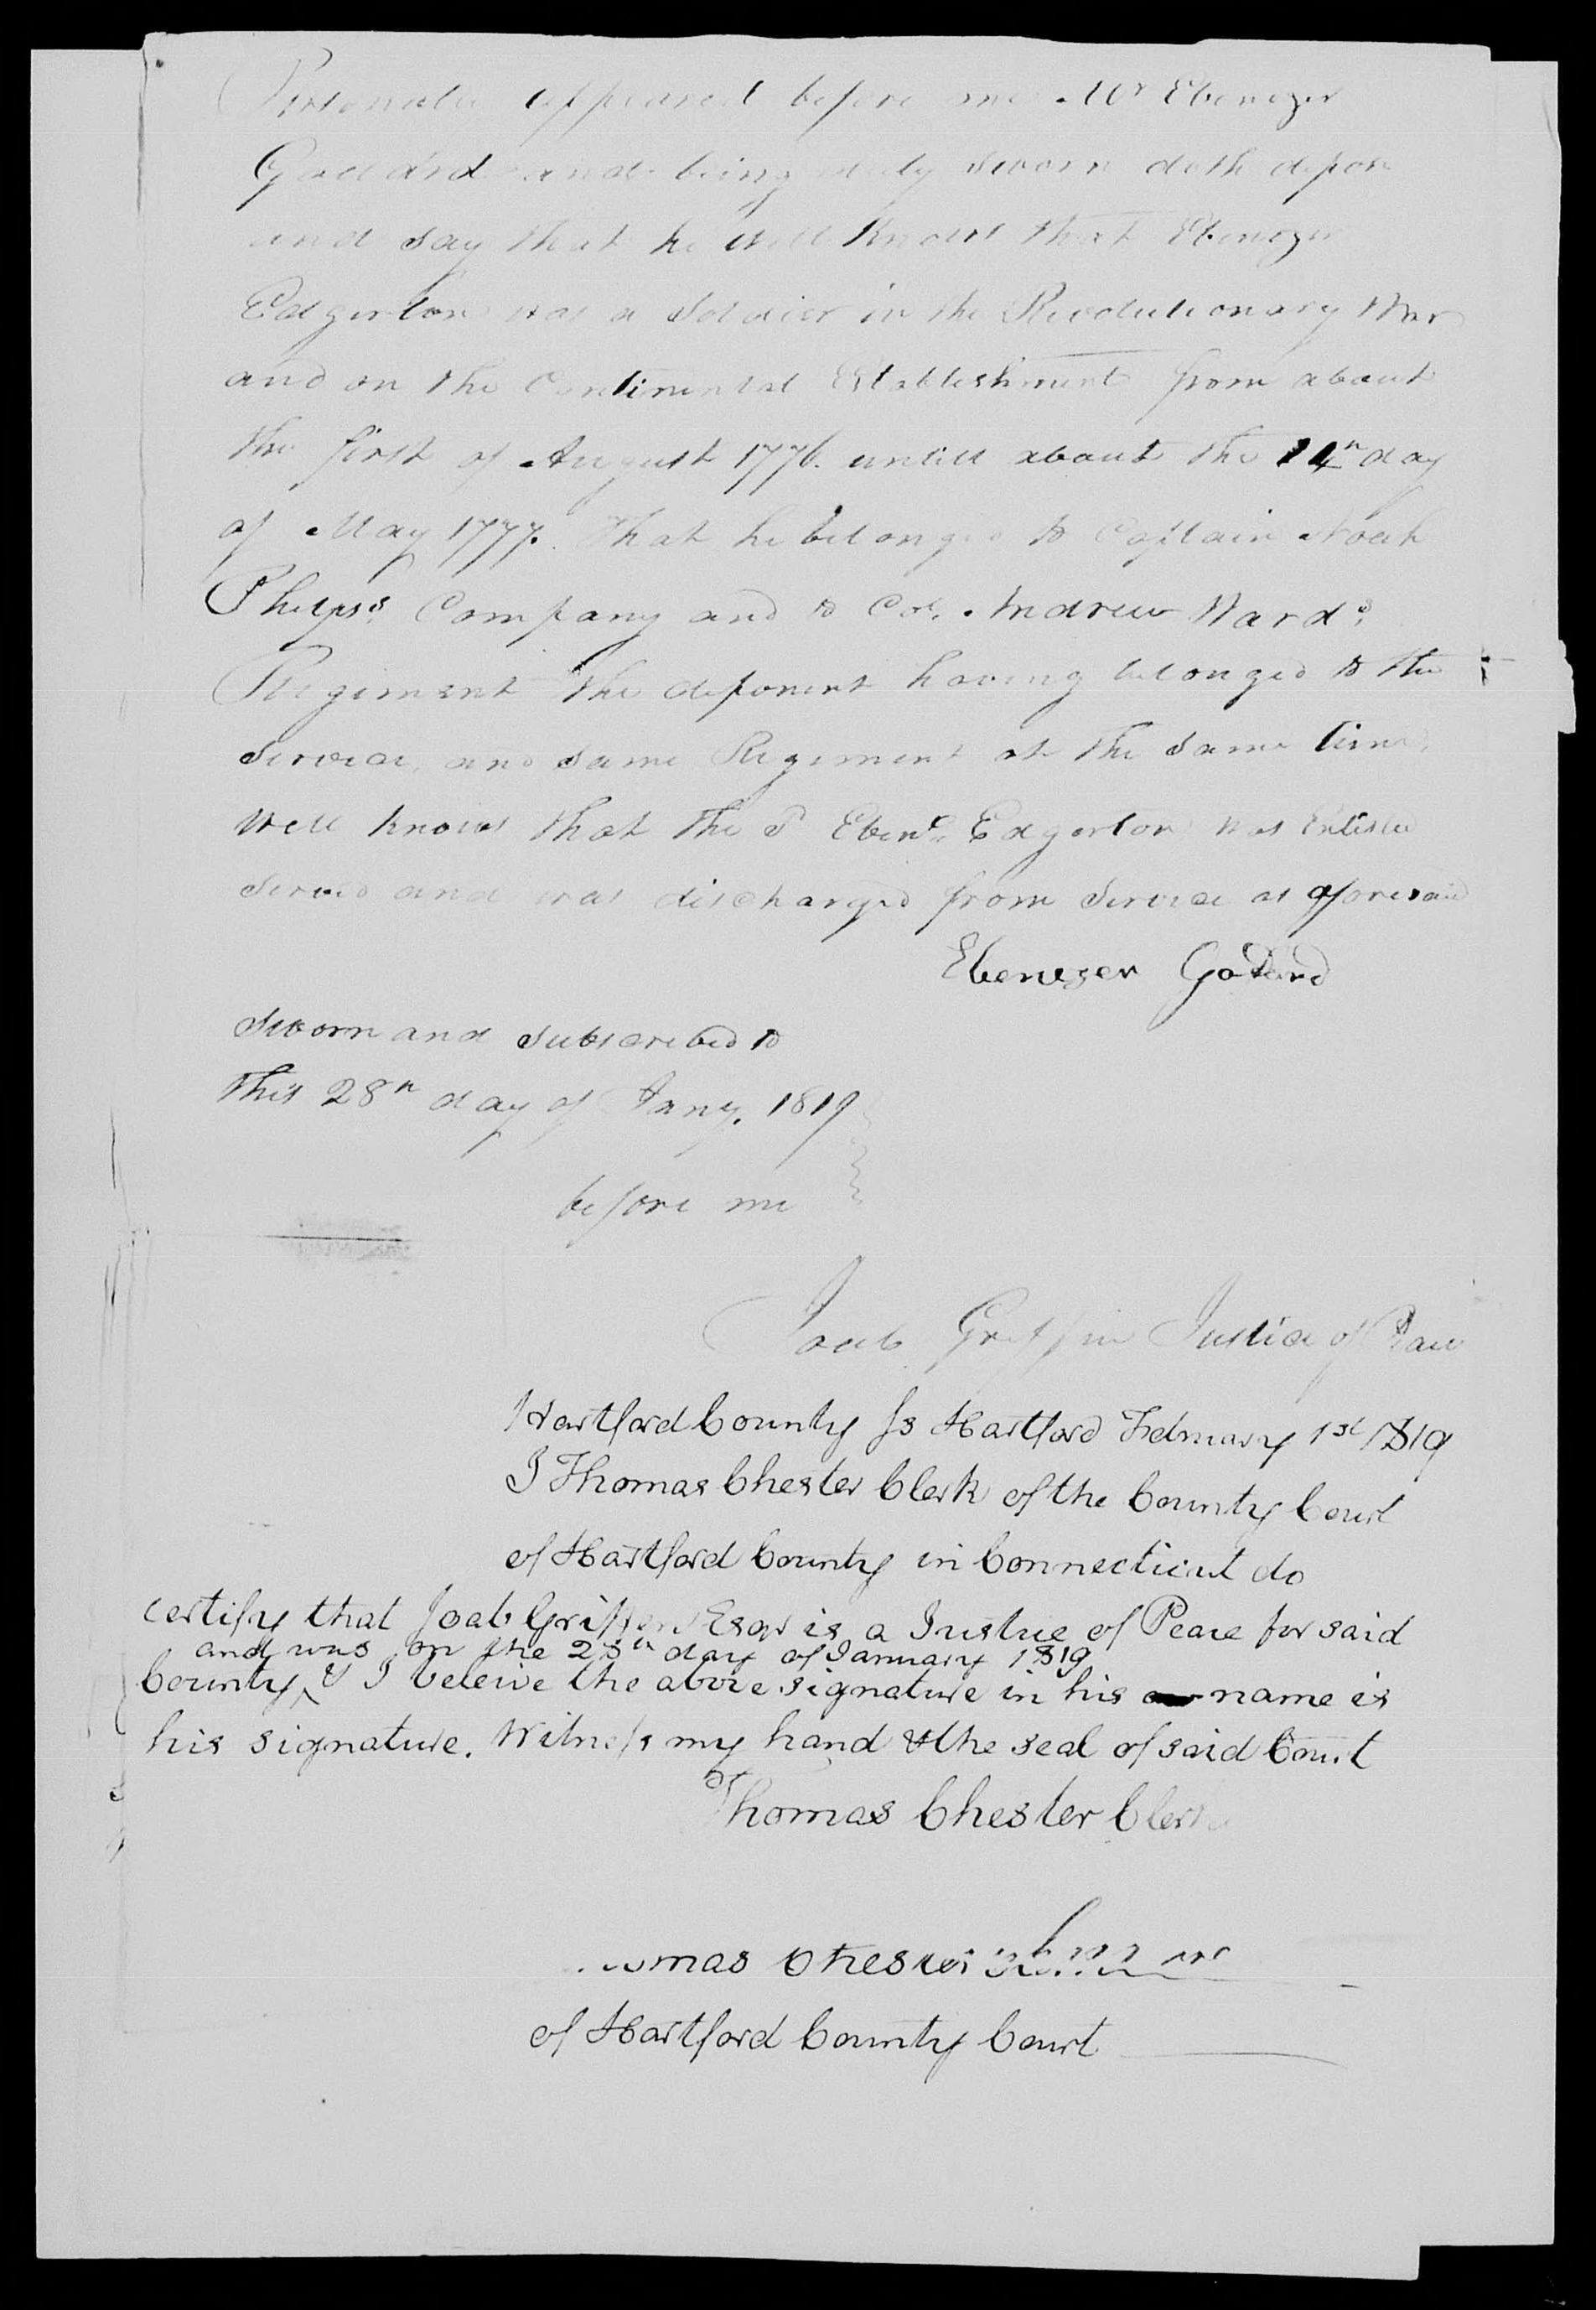Personally appeared before me Mr Ebenezer Godard and being duly sworn doth depose and say that he well knows that Ebenezer Edgerton was a Soldier in the Revolutionary War and on the Continental Establishment from about the first of August 1776. untill about the 14th day of May 1777. That he belonged to Captain Noah Phelps Company and to Col. Andrew Wards Regiment the deponent having belonged to the service, and same Regiment at the same time, well knows that the sd Ebenr Edgerton was Enlisted Served and was discharged from service as aforesaid

Ebenezer Godard

Sworn and subscribed to
this 28th day of Jany, 1819
before me

Joab Griffin Justice of Peace

Hartford County ss Hartford February 1st 1819
I Thomas Chester Clerk of the County Court 
of Hartford County in Connecticut do
Certify that Joab Griffen Esq is a Justice of Peace for said County and was on the 28th day of January 1819  & I beleive the above signature in his name is his signature. Witness my hand & the seal of said Court

Thomas Chester  Clerk

Thomas Chester [Illegible]
of Hartford County Court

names: Ebenezer Godard, Thomas Chester, Ebenezer Godard, Jacob Griffin, Ebenezer Edgerton, Thomas Chester, Joab Griffen, Thomas Chester, Ebenr Edgerton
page: 11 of 18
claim: survivor's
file: S. 37,904, Ebenezer Edgerton, [BLANK]